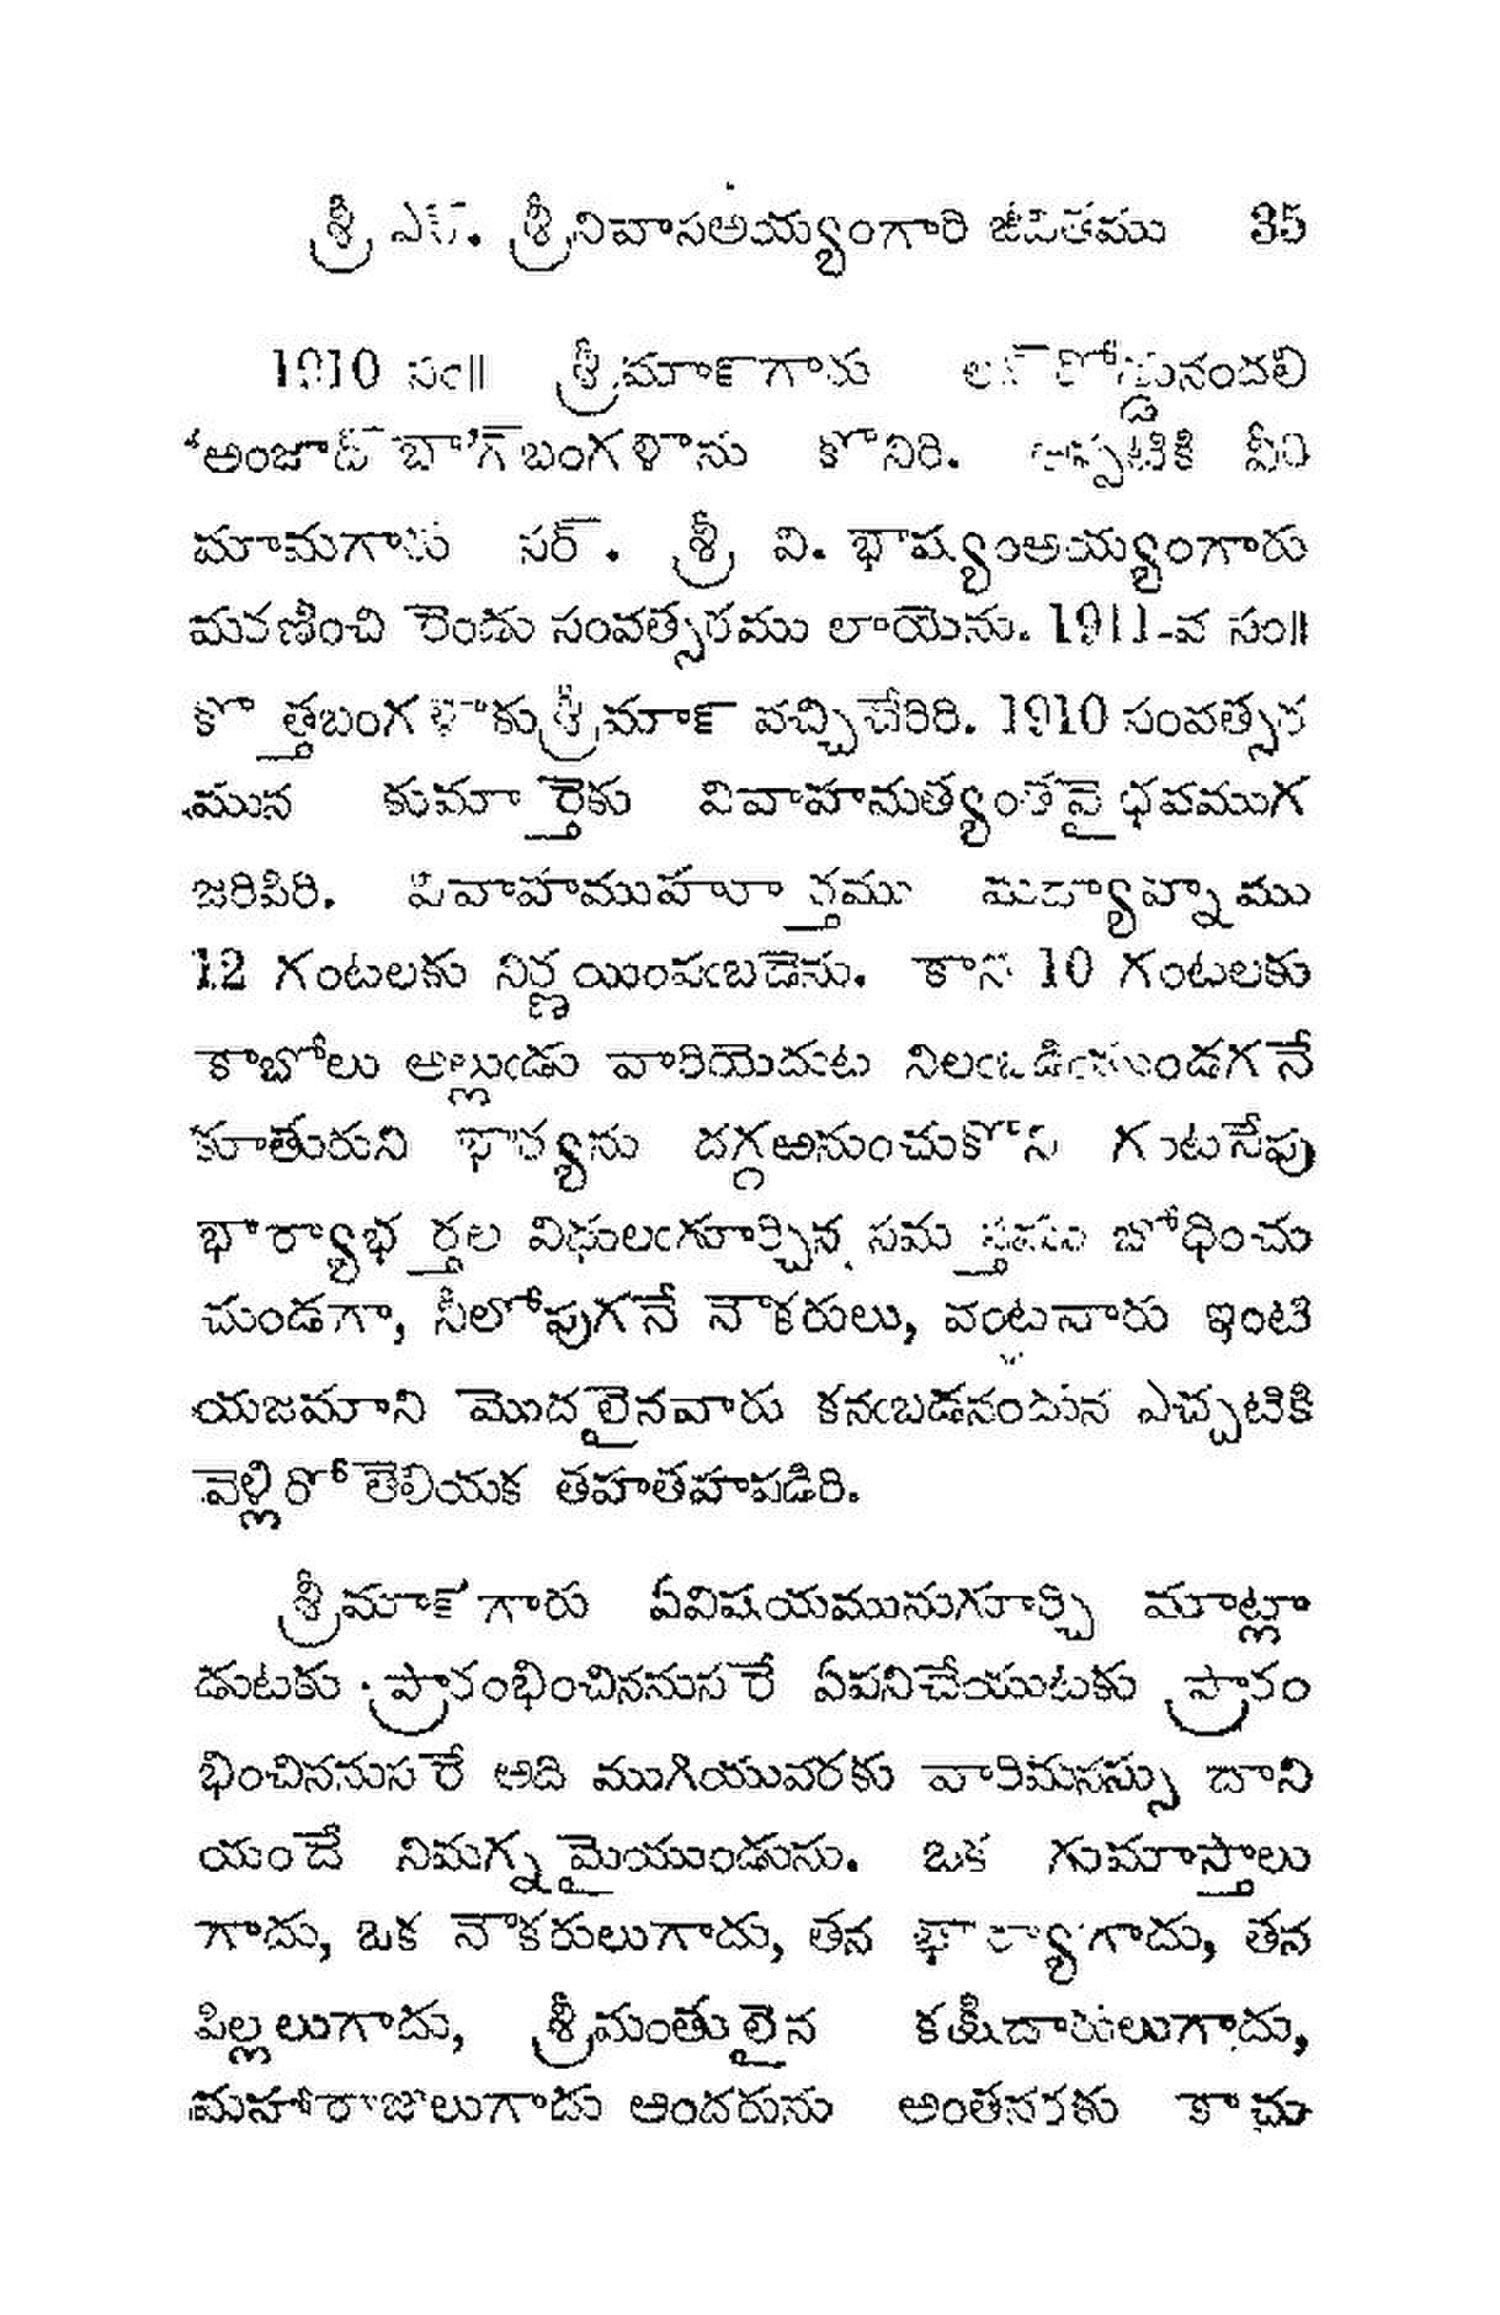1910 సం|| శ్రీమా౯గారు లజ్‌రోడ్డునందలి 'అంజాద్ బాగ్‌' బంగళాను కొనిరి. అప్పటికి వీరి మామగారు సర్ . శ్రీ వి. భాష్యంఅయ్యంగారు మరణించి రెండు సంవత్సరము లాయెను. 1911 వ సం|| కొత్తబంగళాకు శ్రీమా౯ వచ్చిచేరిరి. 1910 సంవత్సరమున కుమార్తెకు వివాహమత్యంతవైభవముగ జరిపిరి. వివాహముహూర్తము మద్యాహ్నము 12 గంటలకు నిర్ణయింపఁబడెను. కాని 10 గంటలకు కాబోలు అల్లుడు వారియెదుట నిలఁబడియుండగనే కూతురుని భార్యను దగ్గఱనుంచుకొని గంటసేపు భార్యాభర్తల విధులఁగూర్చిన సమస్తము బోధించు చుండగా, నీలోపుగనే నౌకరులు, వంటవారు ఇంటి యజమాని మొదలైనవారు కనఁబడనందున ఎచ్చటికి వెళ్లిరో తెలియక తహతహపడిరి.

శ్రీమా౯ గారు ఏవిషయమునుగూర్చి మాట్లాడుటకు ప్రారంభించిననుసరే ఏపనిచేయుటకు ప్రారంభించిననుసరే అది ముగియువరకు వారిమనస్సు దానియందే నిమగ్న మైయుండును. ఒక గుమాస్తాలుగాదు, ఒక నౌకరులుగాదు, తన భార్యాగాదు, తన పిల్లలుగాదు, శ్రీమంతులైన కక్షిదారులుగాదు, మహారాజులుగాదు అందరును అంతవరకు కాచు